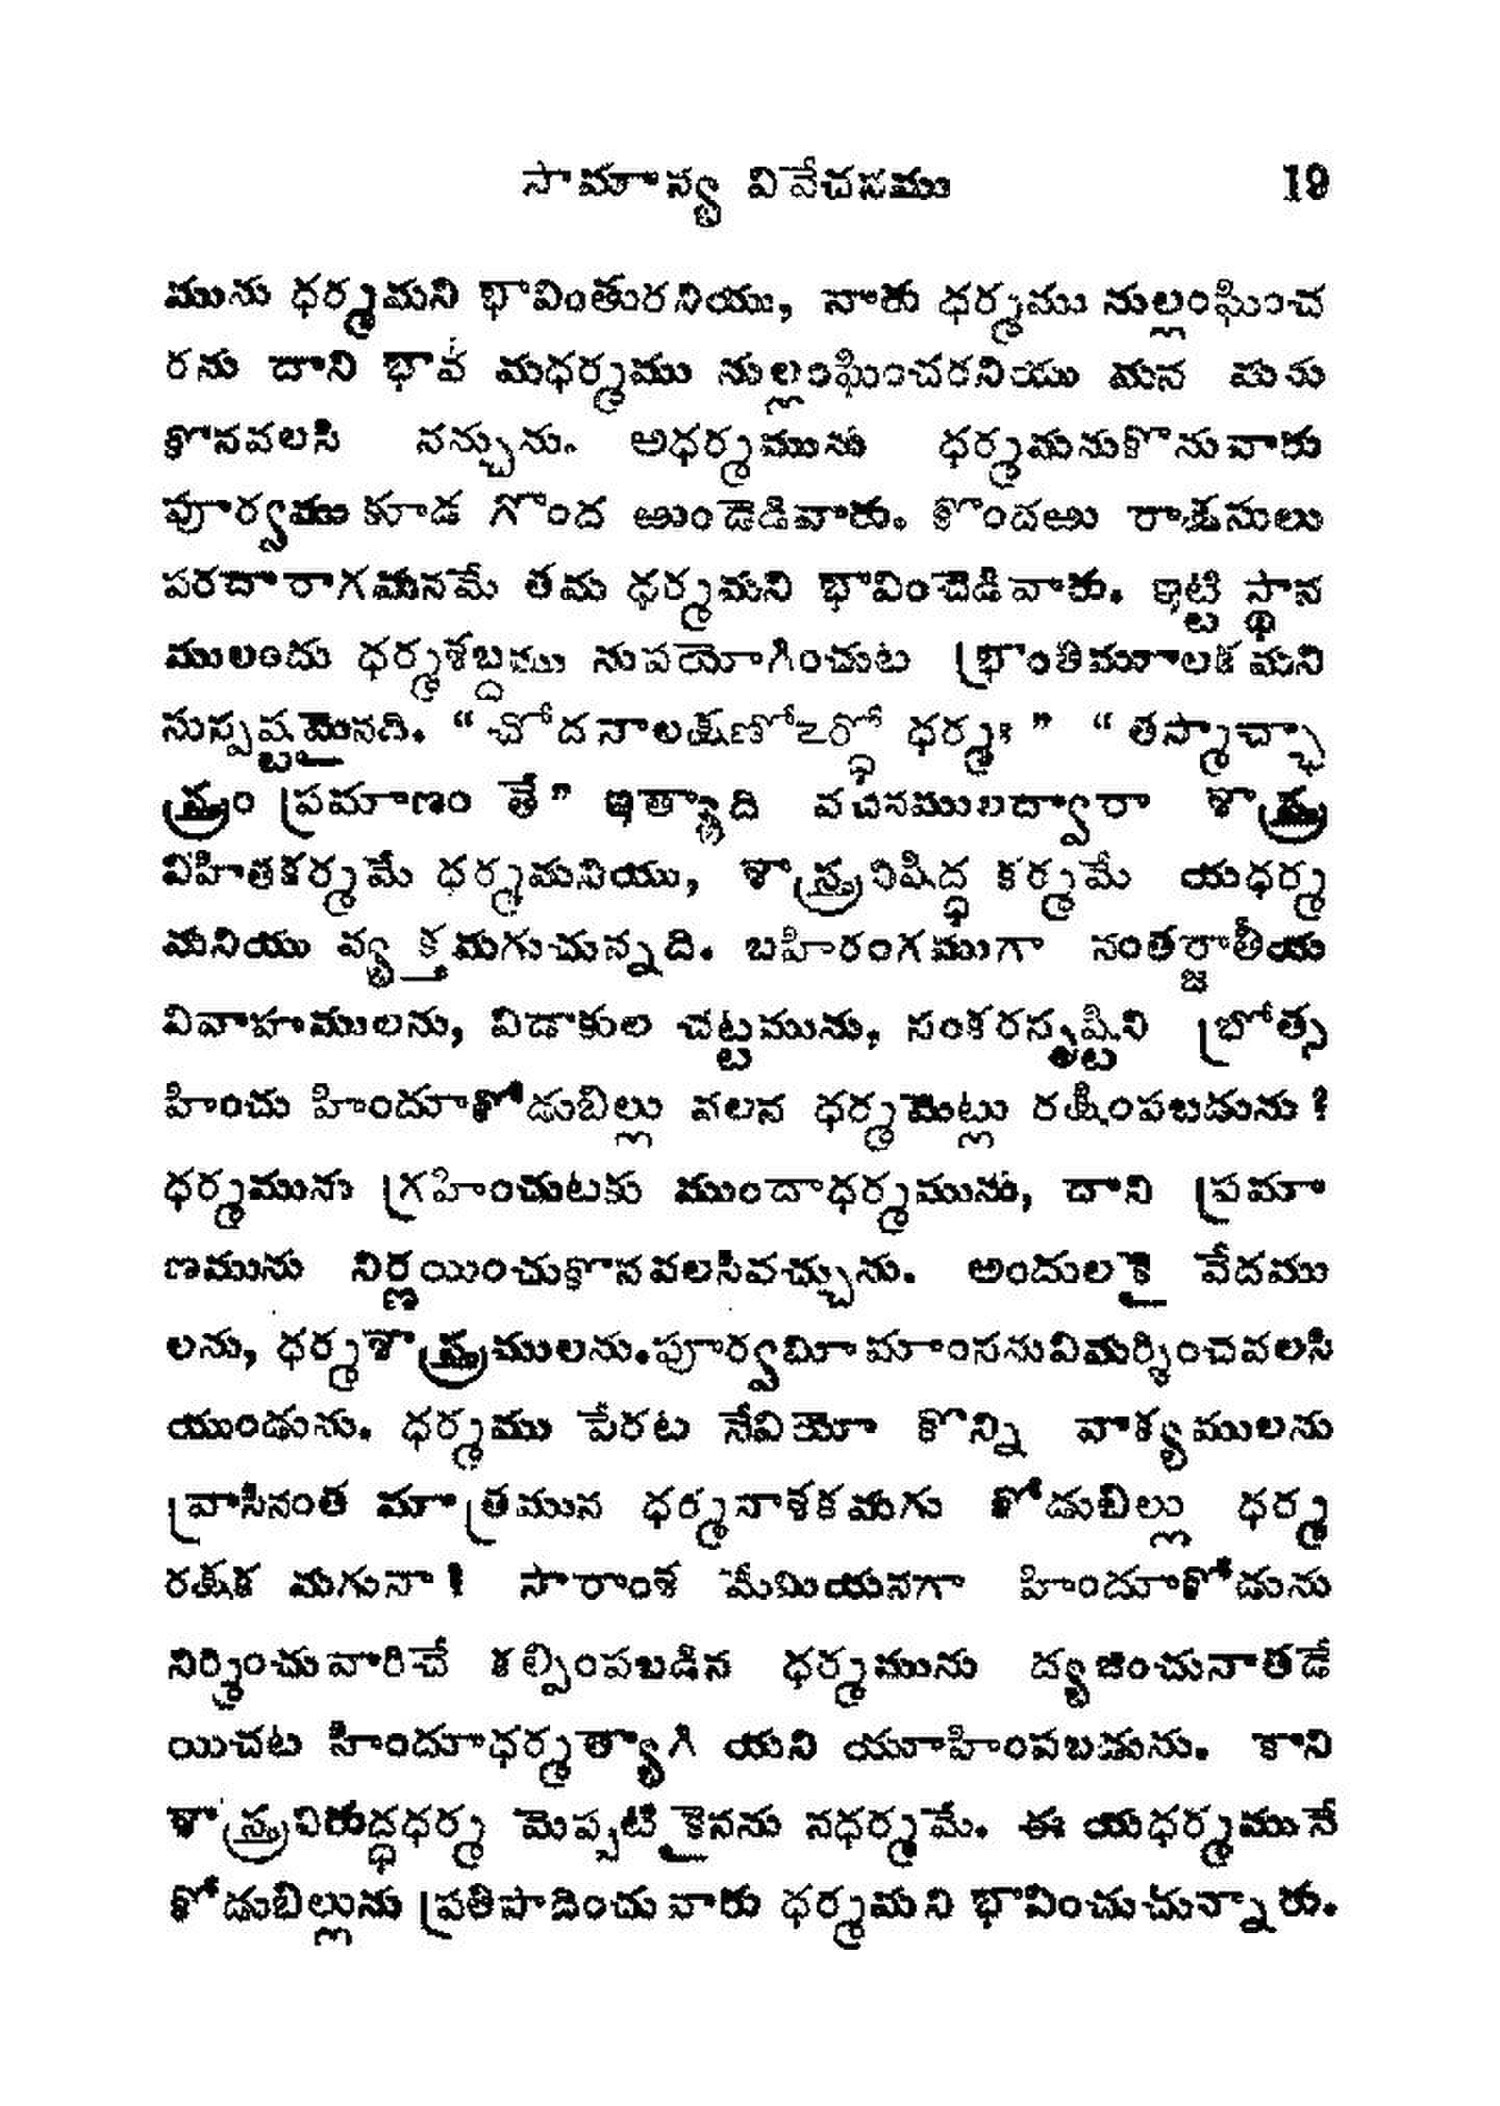మును ధర్మమని భావింతురనియు, వారు ధర్మము నుల్లంఘించ
రను దాని భావ మధర్మము నుల్లంఘించరనియు మన మను
కొనవలసి వచ్చును. అధర్మమును ధర్మమనుకొనువారు
పూర్వము కూడ గొంద ఱుండెడివారు. కొందఱు రాక్షసులు
పరదారాగమనమే తమ ధర్మమని భావించెడివారు. ఇట్టి స్థాన 
ములందు ధర్మశబ్దము నుపయోగించుట భ్రాంతి మూలక మని
సుస్పష్టమైనది, “ చోదనాలక్షణో౽ర్థో ధర్మః" "తస్మాచ్ఛా
త్రం ప్రమాణం తే" ఇత్యాది వచనములద్వారా శాస్త్ర 
విహితకర్మమే ధర్మమనియు, శాస్త్ర నిషిద్ధ కర్మమే యధర్మ
మనియు వ్యక్తమగుచున్నది. బహిరంగముగా నంతర్జాతీయ
వివాహములను, విడాకుల చట్టమును, సంకరసృష్టిని బ్రోత్స
హించు హిందూకోడుబిల్లు వలన ధర్మమెట్లు రక్షింపబడును?
ధర్మమును గ్రహించుటకు ముందాధర్మమును, దాని ప్రమాణమును 
నిర్ణయించుకొనవలసివచ్చును. అందులకై వేదము
లను, ధర్మశాస్త్రములను పూర్వమీమాంసను విమర్శించవలసి
యుండును. ధర్మము పేరట నేవియో కొన్ని వాక్యములను
వ్రాసినంత మాత్రమున ధర్మనాశకమగు కోడుబిల్లు ధర్మ
రక్షక మగునా! సారాంశ మేమియనగా హిందూకోడును
నిర్మించువారిచే కల్పింపబడిన ధర్మమును ద్యజించునాతడే
యిచట హిందూధర్మత్యాగి యని యూహింపబడును. కాని
శాస్త్రవిరుద్ధధర్మ మెప్పటి కైనను నధర్మమే. ఈ యధర్మమునే
కోడుబిల్లును ప్రతిపాదించు వారు ధర్మమని భావించుచున్నారు.